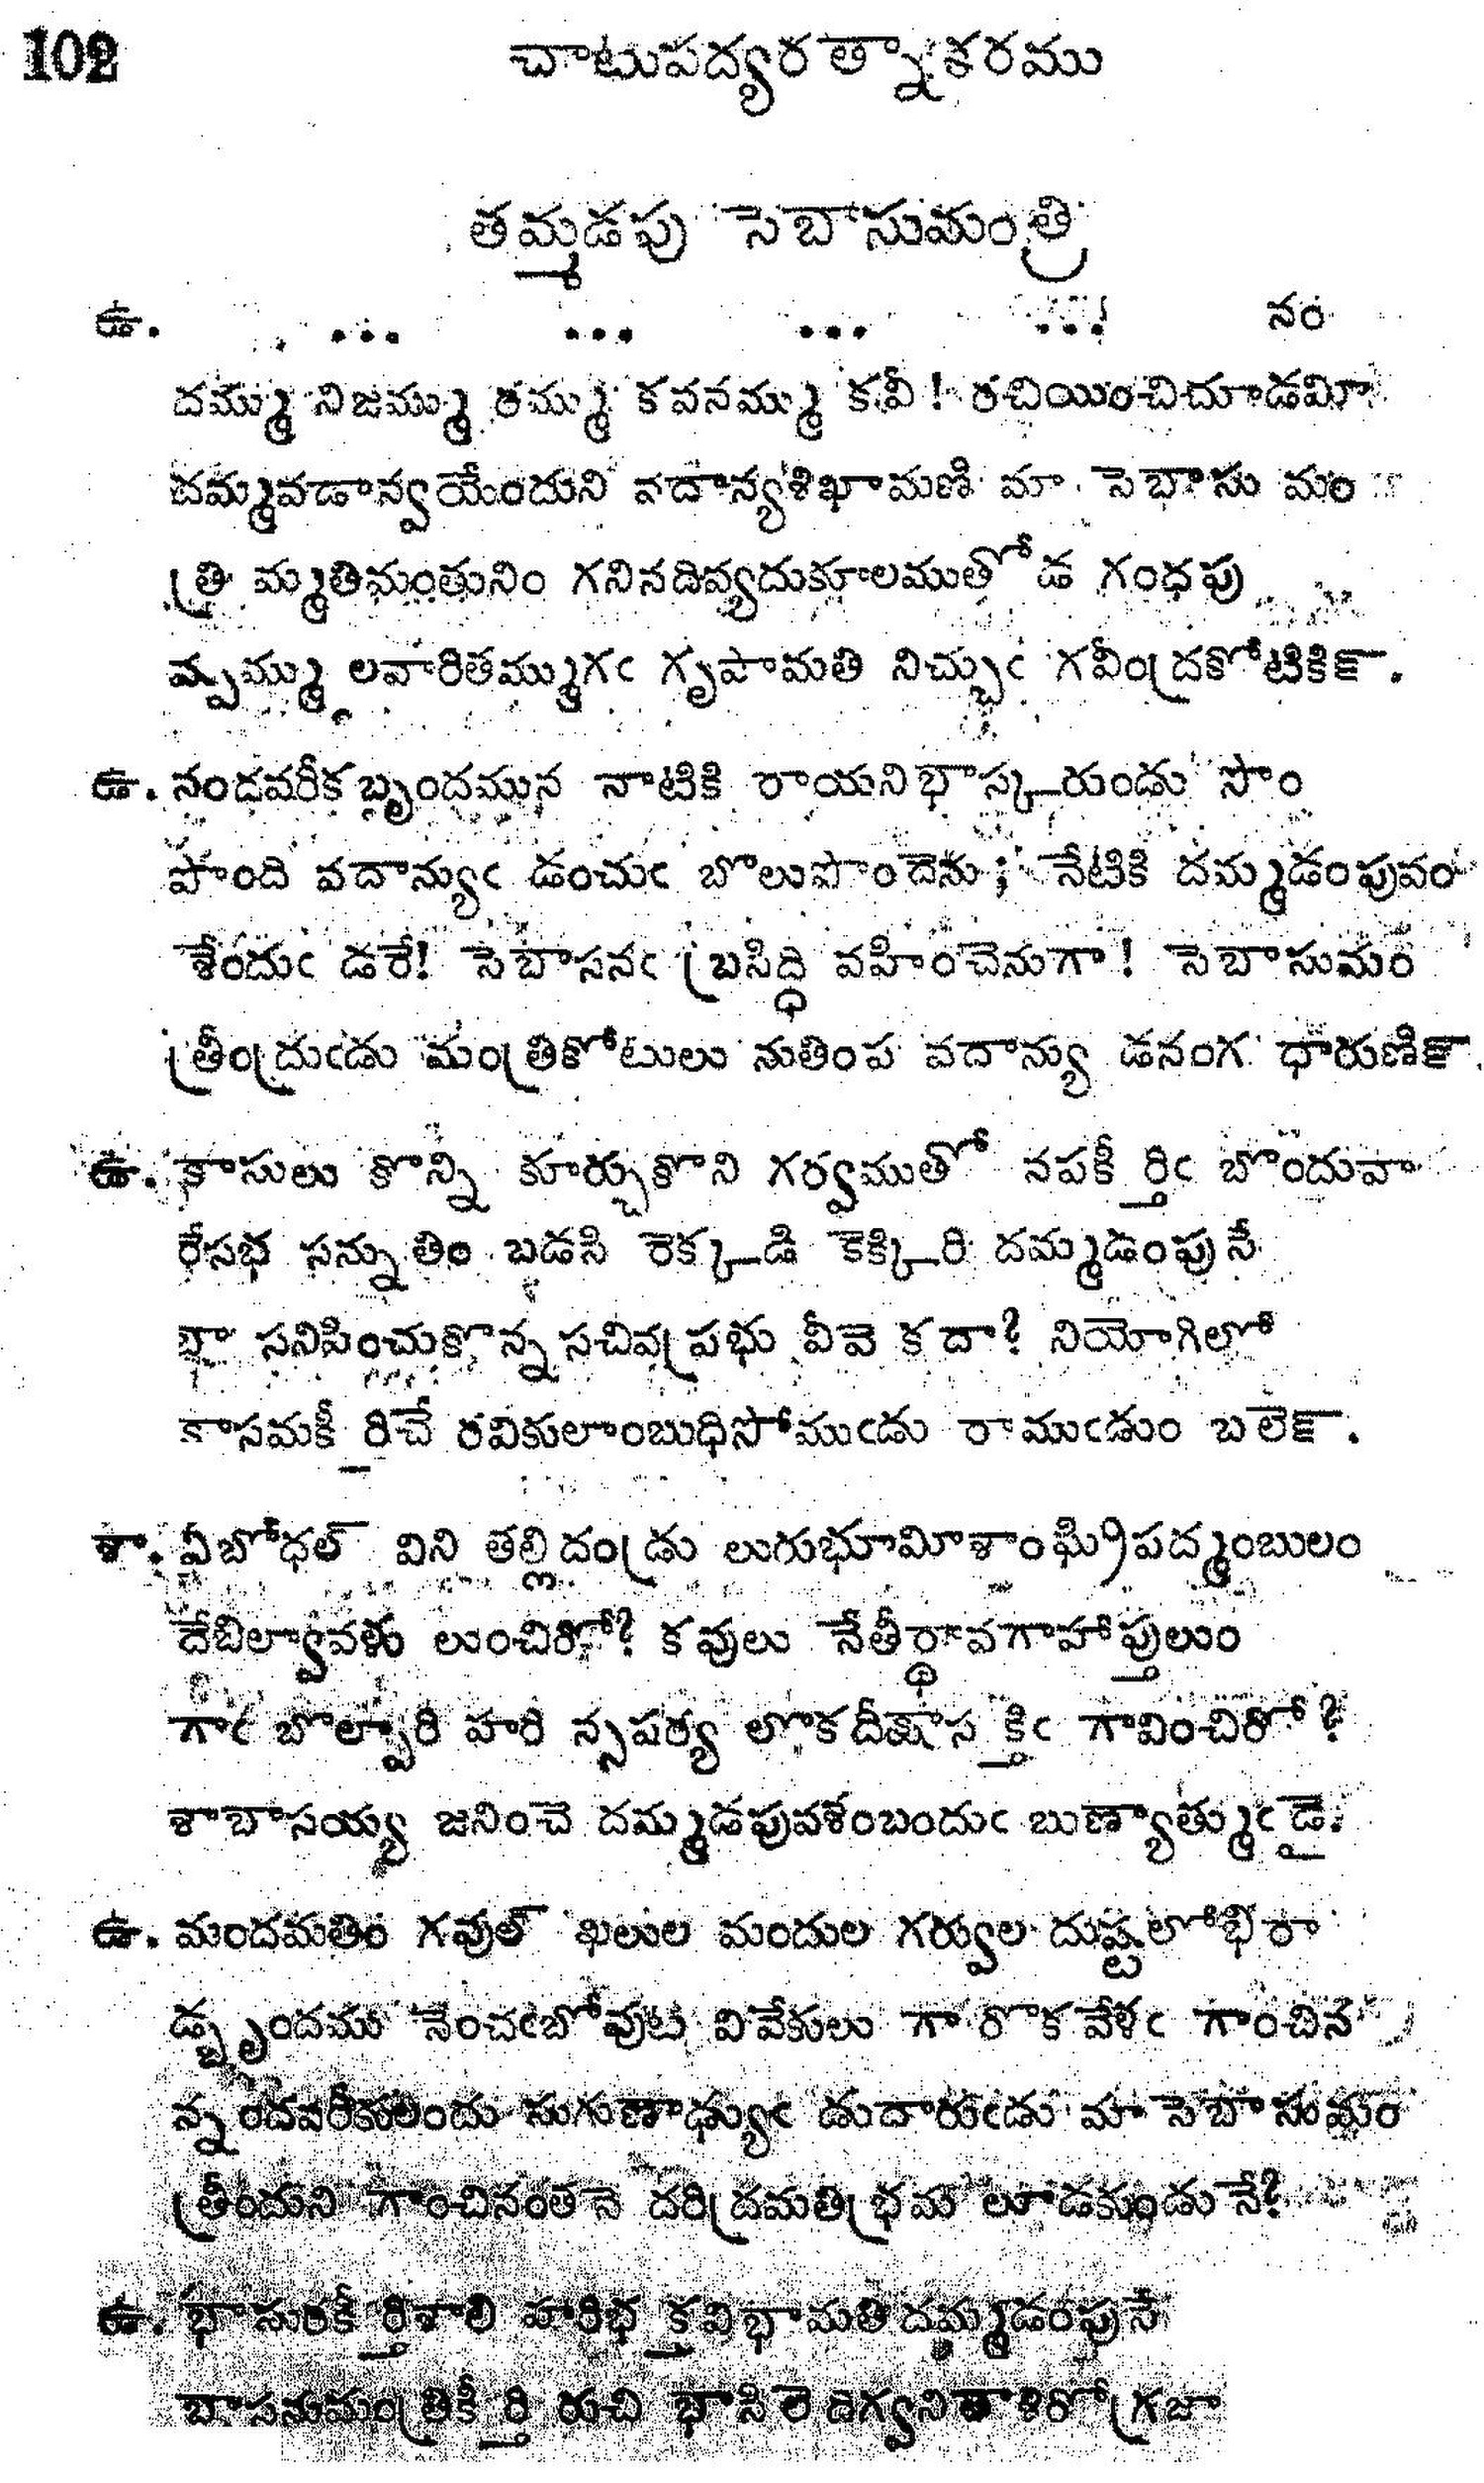ఉ. ...........................................................................నం
 దమ్ము నిజమ్ము రమ్ము కవనమ్ము కవీ! రచియించిచూడమీ
 దమ్వడాన్వయేందుని వదాన్యశిఖామణి మా సెబాసు మం
 త్రి మ్మతిమంతునిం గనిన దివ్యదుకూలముతోడ గంధపు
 ష్పమ్ము లవారితమ్ముగఁ గృపామతి నిచ్చుఁ గవీంద్రకోటికిన్.

ఉ. నందవరీకబృందమున నాటికి రాయనిభాస్కరుండు సొం
 పొంది వదాన్యుఁ డంచుఁ బొలుపొందెను; నేటికి దమ్మడంపువం
 శేందుఁ డరే! సెబాసనఁ బ్రసిద్ధి వహించెనుగా! సెబాసుమం
 త్రీంద్రుఁడు మంత్రికోటులు నుతింప వదాన్యుఁ డనంగ ధారుణిన్.

ఉ. కాసులు కొన్ని కూర్చికొని గర్వముతో నపకీర్తిఁ బొందువా
 రేసభ సన్నుతిం బడసి రెక్కడి కెక్కిరి దమ్మడంపుసే
 బా సనిపించుకొన్నసచివప్రభు వీవె కదా? నియోగిలో
 కాసమకీర్తిచే రవికులాంబుధిసోముఁడు రాముఁడుం బలెన్.

శా. ఏబోధల్ విని తల్లిదండ్రు లురుభూమీశాంఘ్రిపద్మంబులం
 దేబిల్వావళు లుంచిరో? కవులు నేతీర్థావగాహాప్తులుం
 గాఁ బొల్పారి హరి న్సపర్య లొకదీక్షాసక్తిఁ గావించిరో?
 శాబాసయ్య జనించె దమ్మడపువశంబందుఁ బుణ్యాత్ముఁడై.

ఉ. మందమతిం గవుల్ ఖలుల మందుల గర్వుల దుష్టలోభిరా
 డ్బృందము నెంచఁబోవుట వివేకులు గా రొకవేళఁ గాంచిన
 న్నందవరీకులందు సుగుణాఢ్యుఁ డుదారుఁడు మాసెబాసుమం
 త్రీంద్రుని గాంచినంతనె దరిద్రమతిభ్రమ లూడకుండునే?

ఉ. భాసురకీర్తిశాలి హరిభక్తవిభామతి దమ్మడంపుసే
 బాసనుమంత్రికీర్తి రుచి భాసిలె దిగ్వనితాశిరోగ్రజా